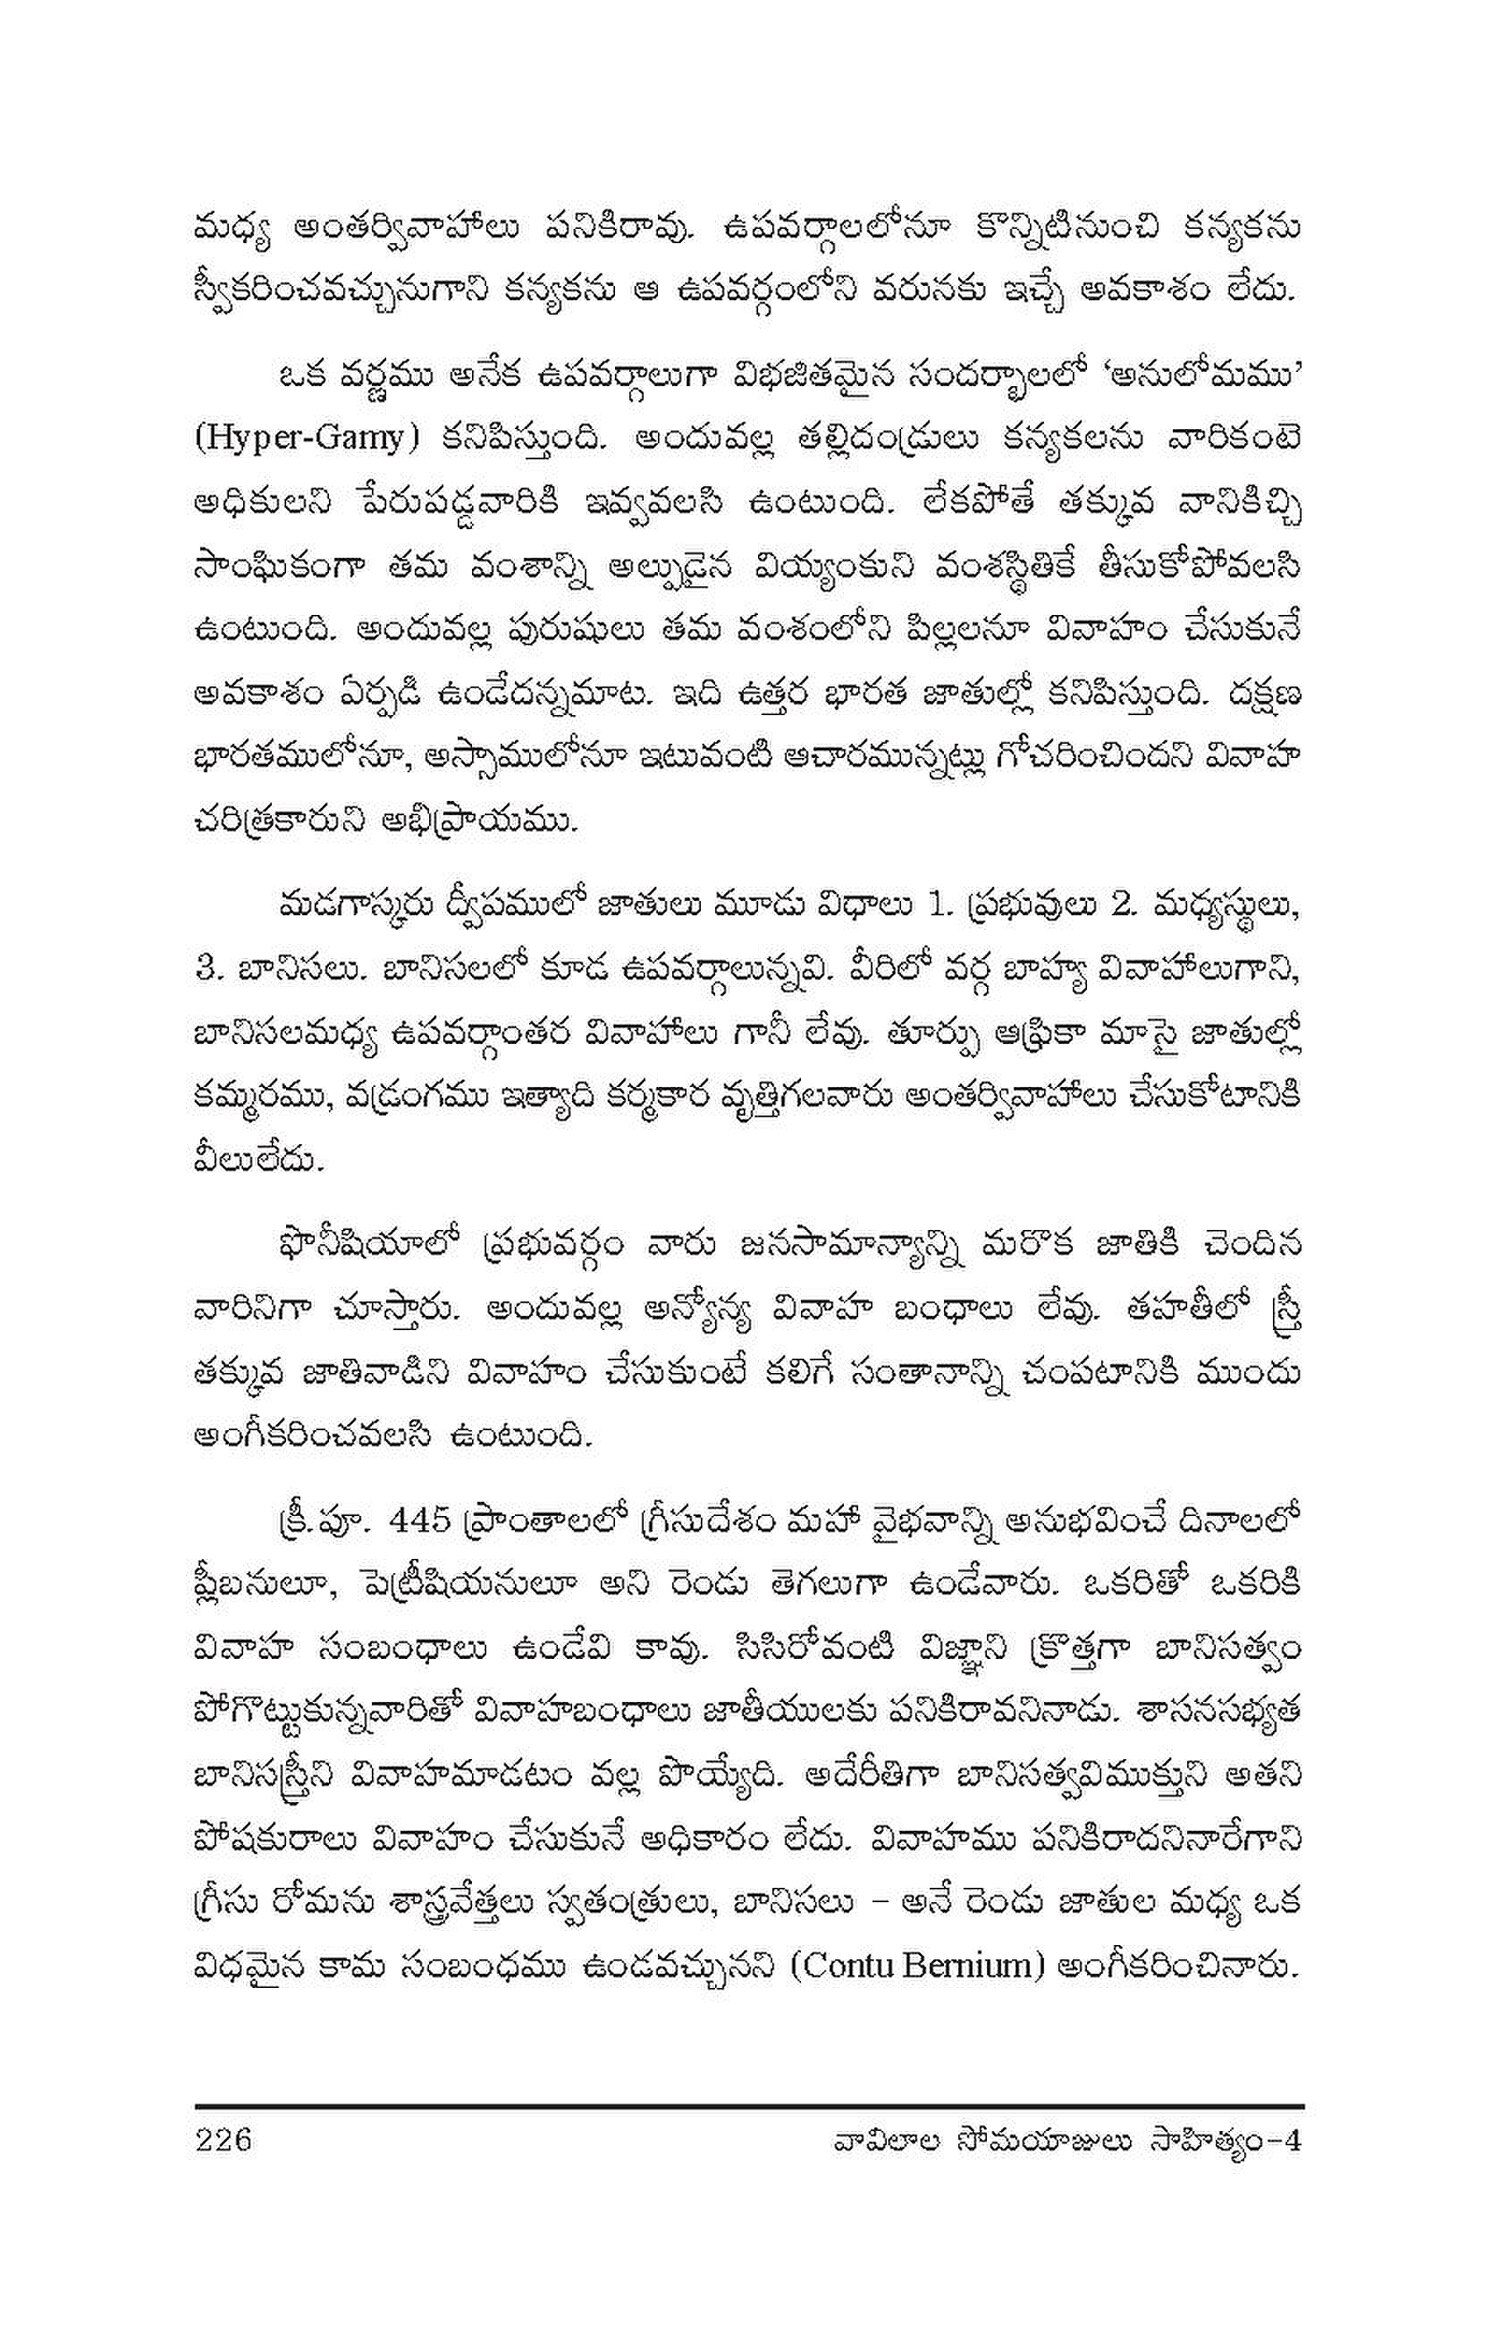మధ్య అంతర్వివాహాలు పనికిరావు. ఉపవర్గాలలోనూ కొన్నిటినుంచి కన్యకను
స్వీకరించవచ్చునుగాని కన్యకను ఆ ఉపవర్గంలోని వరునకు ఇచ్చే అవకాశం లేదు.

ఒక వర్ణము అనేక ఉపవర్గాలుగా విభజితమైన సందర్భాలలో 'అనులోమము’
(Hyper-Gamy) కనిపిస్తుంది. అందువల్ల తల్లిదండ్రులు కన్యకలను వారికంటే
అధికులని పేరుపడ్డవారికి ఇవ్వవలసి ఉంటుంది. లేకపోతే తక్కువ వానికిచ్చి
సాంఘికంగా తమ వంశాన్ని అల్పుడైన వియ్యంకుని వంశస్థితికే తీసుకోపోవలసి
ఉంటుంది. అందువల్ల పురుషులు తమ వంశంలోని పిల్లలనూ వివాహం చేసుకునే
అవకాశం ఏర్పడి ఉండేదన్నమాట. ఇది ఉత్తర భారత జాతుల్లో కనిపిస్తుంది. దక్షణ
భారతములోనూ, అస్సాములోనూ ఇటువంటి ఆచారమున్నట్లు గోచరించిందని వివాహ
చరిత్రకారుని అభిప్రాయము.

మడగాస్కరు ద్వీపములో జాతులు మూడు విధాలు 1. ప్రభువులు 2. మధ్యస్థులు,
3. బానిసలు. బానిసలలో కూడ ఉపవర్గాలున్నవి. వీరిలో వర్గ బాహ్య వివాహాలుగాని,
బానిసలమధ్య ఉపవర్గాంతర వివాహాలు గానీ లేవు. తూర్పు ఆఫ్రికా మాసై జాతుల్లో
కమ్మరము, వడ్రంగము ఇత్యాది కర్మకార వృత్తిగలవారు అంతర్వివాహాలు చేసుకోటానికి
వీలులేదు.

ఫొనీషియాలో ప్రభువర్గం వారు జనసామాన్యాన్ని మరొక జాతికి చెందిన
వారినిగా చూస్తారు. అందువల్ల అన్యోన్య వివాహ బంధాలు లేవు. తహతీలో
తక్కువ జాతివాడిని వివాహం చేసుకుంటే కలిగే సంతానాన్ని చంపటానికి ముందు
అంగీకరించవలసి ఉంటుంది.

క్రీ.పూ. 445 ప్రాంతాలలో గ్రీసుదేశం మహా వైభవాన్ని అనుభవించే దినాలలో
ప్లీబనులూ, పెట్రీషియనులూ అని రెండు తెగలుగా ఉండేవారు. ఒకరితో ఒకరికి
వివాహ సంబంధాలు ఉండేవి కావు. సిసిరోవంటి విజ్ఞాని క్రొత్తగా బానిసత్వం
పోగొట్టుకున్నవారితో వివాహబంధాలు జాతీయులకు పనికిరావనినాడు. శాసనసభ్యత
బానిసస్త్రీని వివాహమాడటం వల్ల పొయ్యేది. అదేరీతిగా బానిసత్వవిముక్తుని అతని
పోషకురాలు వివాహం చేసుకునే అధికారం లేదు. వివాహము పనికిరాదనినారేగాని
గ్రీసు రోమను శాస్త్రవేత్తలు స్వతంత్రులు, బానిసలు - అనే రెండు జాతుల మధ్య ఒక
విధమైన కామ సంబంధము ఉండవచ్చునని (Contu Bernium) అంగీకరించినారు.